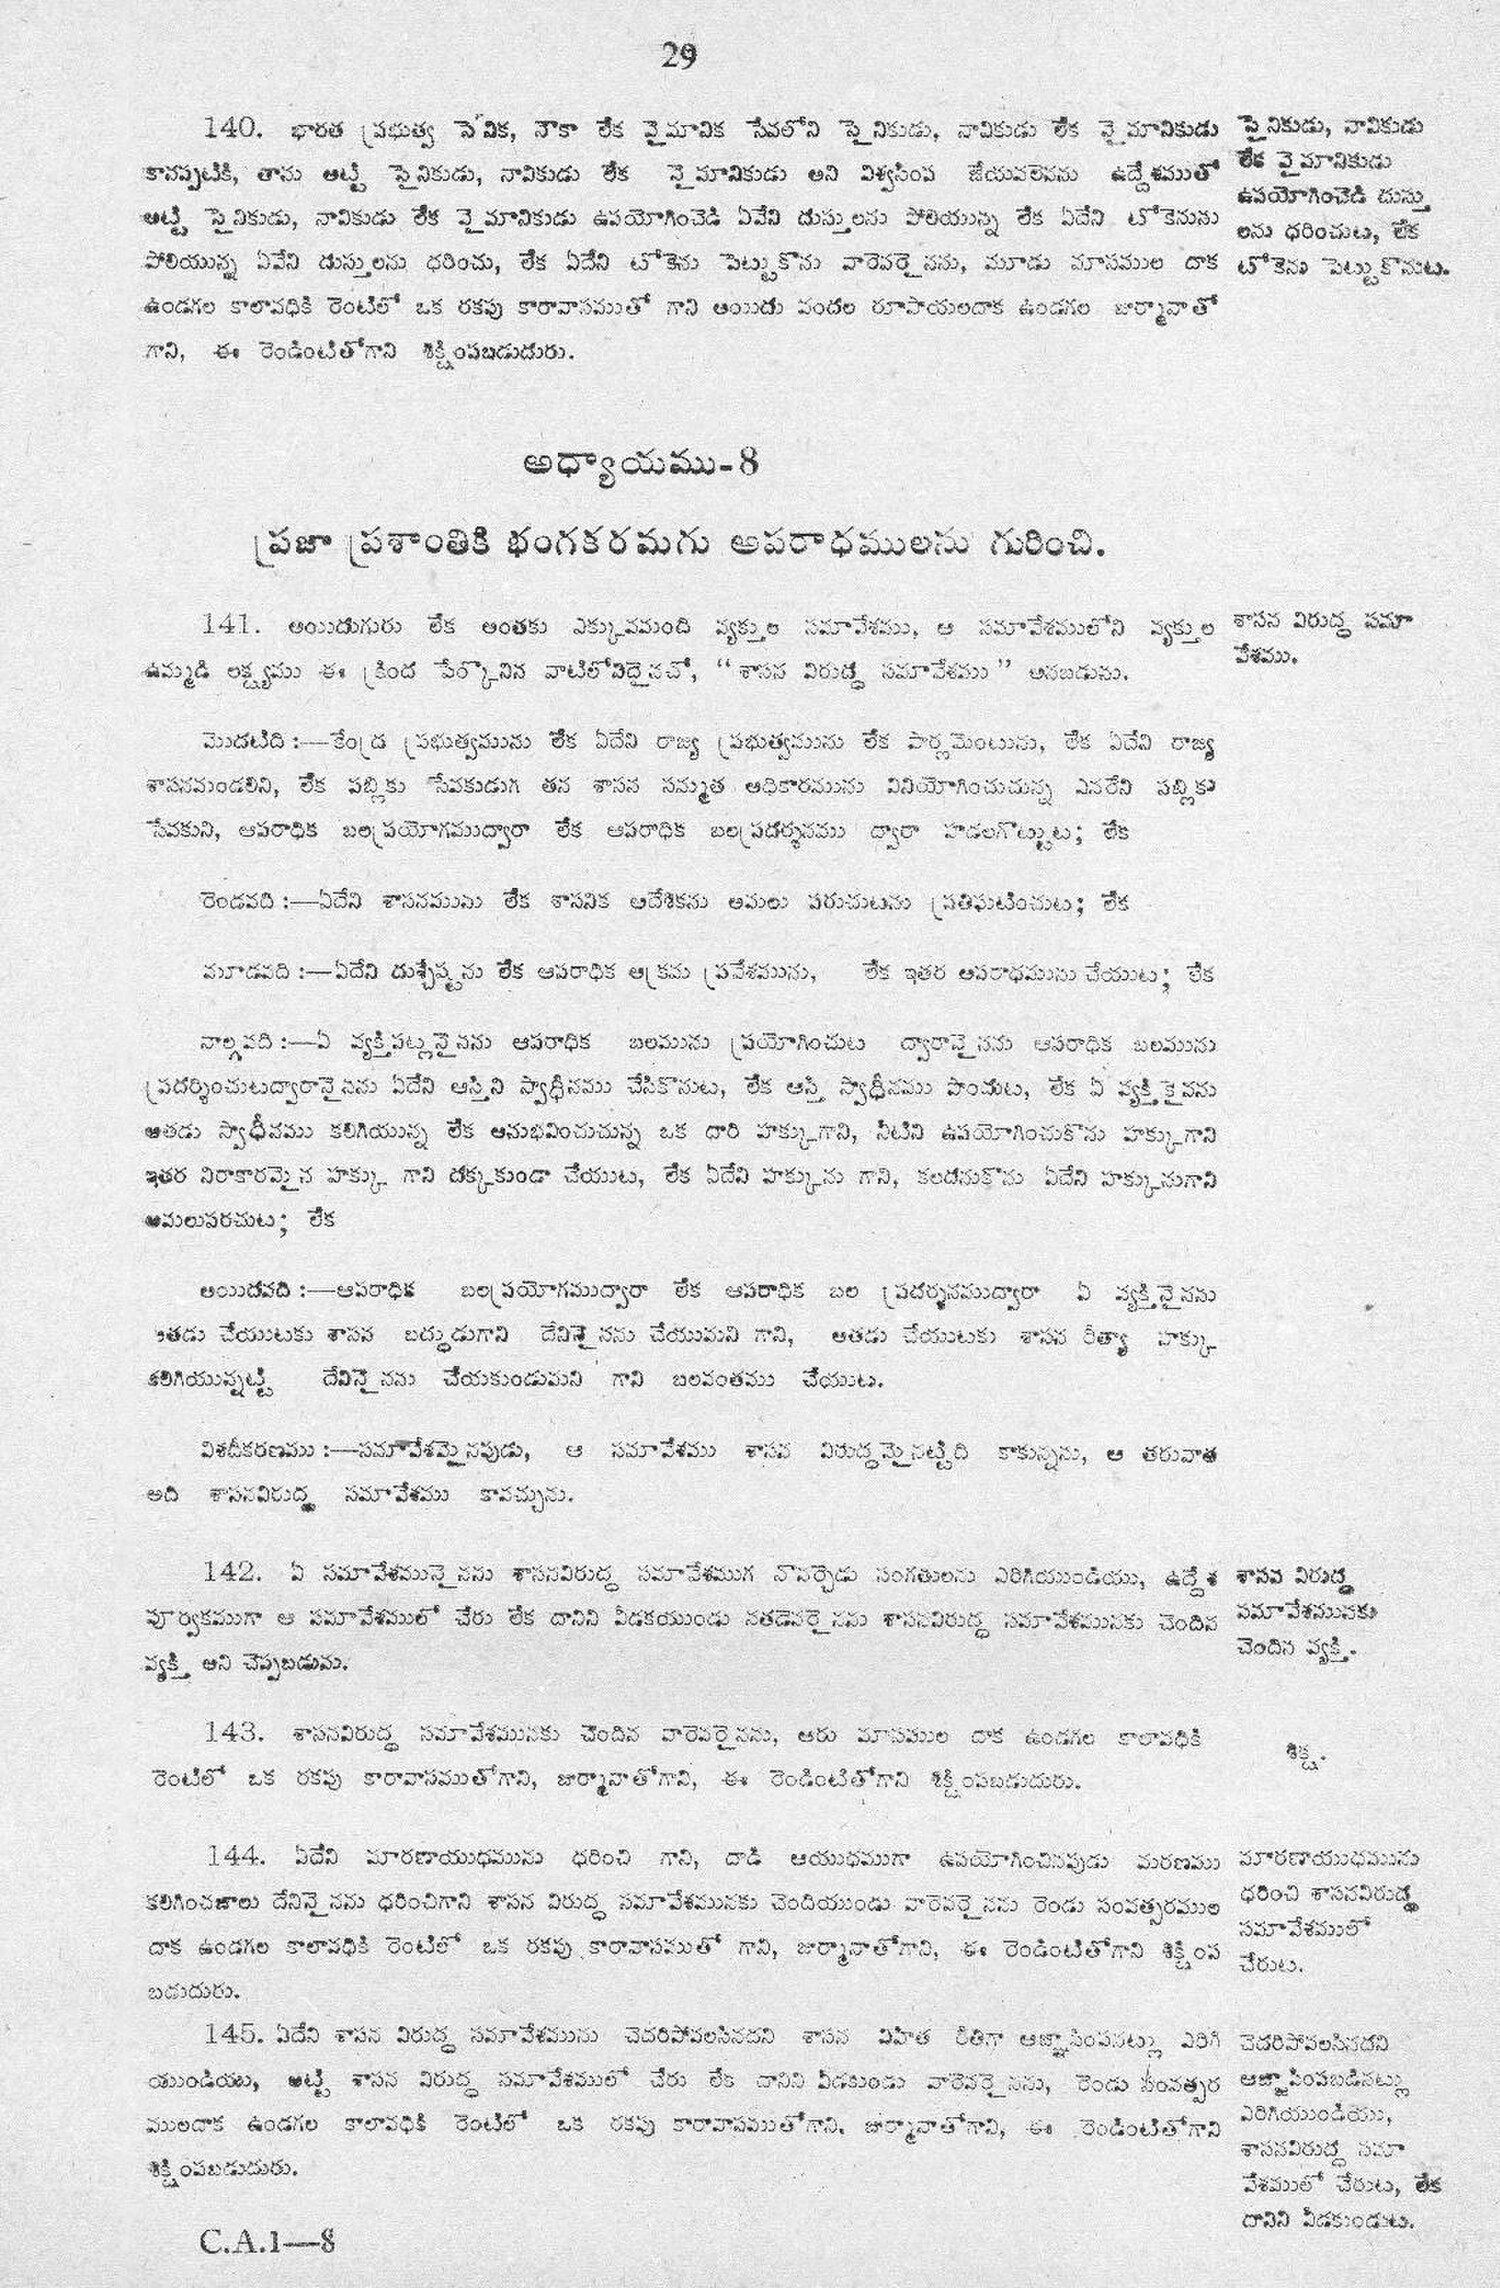సైనికుడు, నావికుడు లేక వైమానికుడు ఉపయోగించెడి దుస్తులను ధరించుట, లేక టోకెను పెట్టుకొనుట.

140. భారత ప్రభుత్వ సైనిక, నౌకా లేక వైమానిక సేవలోని సైనికుడు, నావికుడు లేక వైమానికుడు కానప్పటికి, తాను అట్టి సైనికుడు, నావికుడు లేక వైమానికుడు అని విశ్వసింప జేయవలెనను ఉద్దేశముతో అట్టి సైనికుడు, నావికుడు లేక వైమానికుడు ఉపయోగించెడి ఏవేని దుస్తులను పోలియున్న లేక ఏదేని టోకెనుసు పోలియున్న ఏవేని దుస్తులను ధరించు, లేక ఏదేని టోకెను పెట్టుకొను వారెవరైనను, మూడు మాసముల దాక ఉండగల కాలావధికి రెంటిలో ఒక రకపు కారావాసముతో గాని అయిదు వందల రూపాయలదాక ఉండగల జుర్మానాతో గాని, ఈ రెండింటితోగాని శిక్షింపబడుదురు.

శాసన విరుద్ధ సమావేశము.

141. అయిదుగురు లేక అంతకు ఎక్కువమంది వ్యక్తుల సమావేశము, ఆ సమావేశములోని వ్యక్తుల ఉమ్మడి లక్ష్యము ఈ క్రింద పేర్కొనిన వాటిలో ఏదైనచో, "శాసన విరుద్ధ సమావేశము " అనబడును,

మొదటిది :-- కేంద్ర ప్రభుత్వమును 'లేక ఏదేని రాజ్య ప్రభుత్వమును లేక పార్లమెంటును, లేక ఏదేని రాజ్య
శాసనమండలిని, లేక పబ్లికు సేవకుడుగ తన శాసన సమ్మత అధికారమును వినియోగించుచున్న ఎవరేని పబ్లికు
సేవకుని, ఆపరాధిక బల ప్రయోగము ద్వారా లేక ఆపరాధిక బల ప్రదర్శనము ద్వారా హడలగొట్టుట, లేక

రెండవది :— ఏదేని శాసనమును లేక శాసనిక అదేశికను అమలు పరుచుటను ప్రతిఘటించుట; లేక

మూడవది :- ఏదేని దుశ్హ్చేష్టను లేక ఆపరాధిక ఆక్రమ ప్రవేశమును, లేక ఇతర అపరాధమును చేయుట, లేక

నాల్గవది :-- ఏ వ్యక్తి పట్ల నైనను ఆపరాధిక బలమును ప్రయోగించుట ద్వారానై నను ఆపరాధిక బలమును
ప్రదర్శించుట ద్వారానై నను ఏదేని ఆస్తిని స్వాధీనము చేసికొనుట, లేక ఆస్తి స్వాధీనము పొంచుట, లేక ఏ వ్యక్తికై నను
ఆతడు స్వాధీనము కలిగియున్న లేక ఆనుభవించుచున్న ఒక దారి హక్కు గాని, నీటిని ఉపయోగించుకొను హక్కుగాని
ఇతర నిరాకారమైన హక్కు. గాని దక్కకుండా చేయుట, లేక ఏదేని హక్కును గాని, కలదనుకొను ఏదేని హక్కునుగాని
అమలుపరచుట, లేక

అయిదవది:- అపరాధిక బలప్రయోగము ద్వారా లేక ఆపరాధిక బల ప్రదర్శనము ద్వారా ఏ వ్యక్తినైనను అతడు చేయుటకు శాసన బద్దుడుగాని దేనినైనను చేయుమని గాని, అతడు చేయుటకు శాసన రీత్యా హక్కు కలిగియున్నట్టి దేనినైనను చేయకుండుమని గాని బలవంతము చేయుట.

విశదీకరణము :- సమావేశమైనపుడు, ఆ సమావేశము శాసన నిరుద్ధమైనట్టిది కాకున్నను, ఆ తరువాత అది శాసన విరుద్ద సమావేశము కావచ్చును.

శాసవ విరుద్ధ సమావేశమునకు చెందిన వ్యక్తి.

142. ఏ సమావేశమునైనను శాసనవిరుద్ద సమావేశముగ నొనర్చెడు సంగతులను ఎరిగియుండియు, ఉద్దేశ పూర్వకముగా ఆ సమావేశములో చేరు లేక దానిని వీడకయుండు నతడెవరైనను శాసన విరుద్ధ సమావేశమునకు చెందిన వ్యక్తి అని చెప్పబడును.

శిక్ష.

143. శాసనవిరుద్ధ సమావేశమునకు చెందిన వారెవరైనను, ఆరు మాసముల దాక ఉండగల కాలావధికి రెంటిలో ఒక రకపు కారావాసముతో గాని, జూర్మానాతోగాని, ఈ రెండింటితోగాని శిక్షింపబడుదురు.

మారణాయుధమును ధరించి శాసనవిరుద్ధ సమావేశములో చేరుట.

144. ఏదేని మారణాయుధమును ధరించి గాని, దాడి ఆయుధముగా ఉపయోగించినపుడు మరణము కలిగించజాలు దేనినైనను ధరించిగాని శాసన విరుద్ధ సమావేశమునకు చెందియుండు వారెవరైనను రెండు సంవత్సరముల దాక ఉండగల కాలావధికి రెంటిలో ఒక రకపు కారావాసముతో గాని, జుర్మానాతోగాని, ఈ రెండింటితోగాని శిక్షింప బడుదురు.

చెదరిపోవలసినదని ఆజ్ఞాపింపబడినట్లు ఎరిగియుండియు,శాసనవిరుద్ధ సమావేశములో చేరుట, లేక దానిని వీడకుండుట.

145. ఏదేని శాసన నిరుద్ధ సమావేశమును చెదరిపోవలసినదని శాసన విహిత అతిగా ఆజ్ఞా సంపనట్లు ఎరిగి యుండియు, అట్టి శాసన విరుద్ధ సమావేశములో చేరు లేక దానిని వీడకుండు వారెవరైనను, రెండు సంవత్సరములదాక ఉండగల కాలావధికి రెంటిలో ఒక రకపు కారావాసముతో గాని, జూర్మానాతోగాని, ఈ రెండింటితోగాని శిక్షింపబడుదురు.